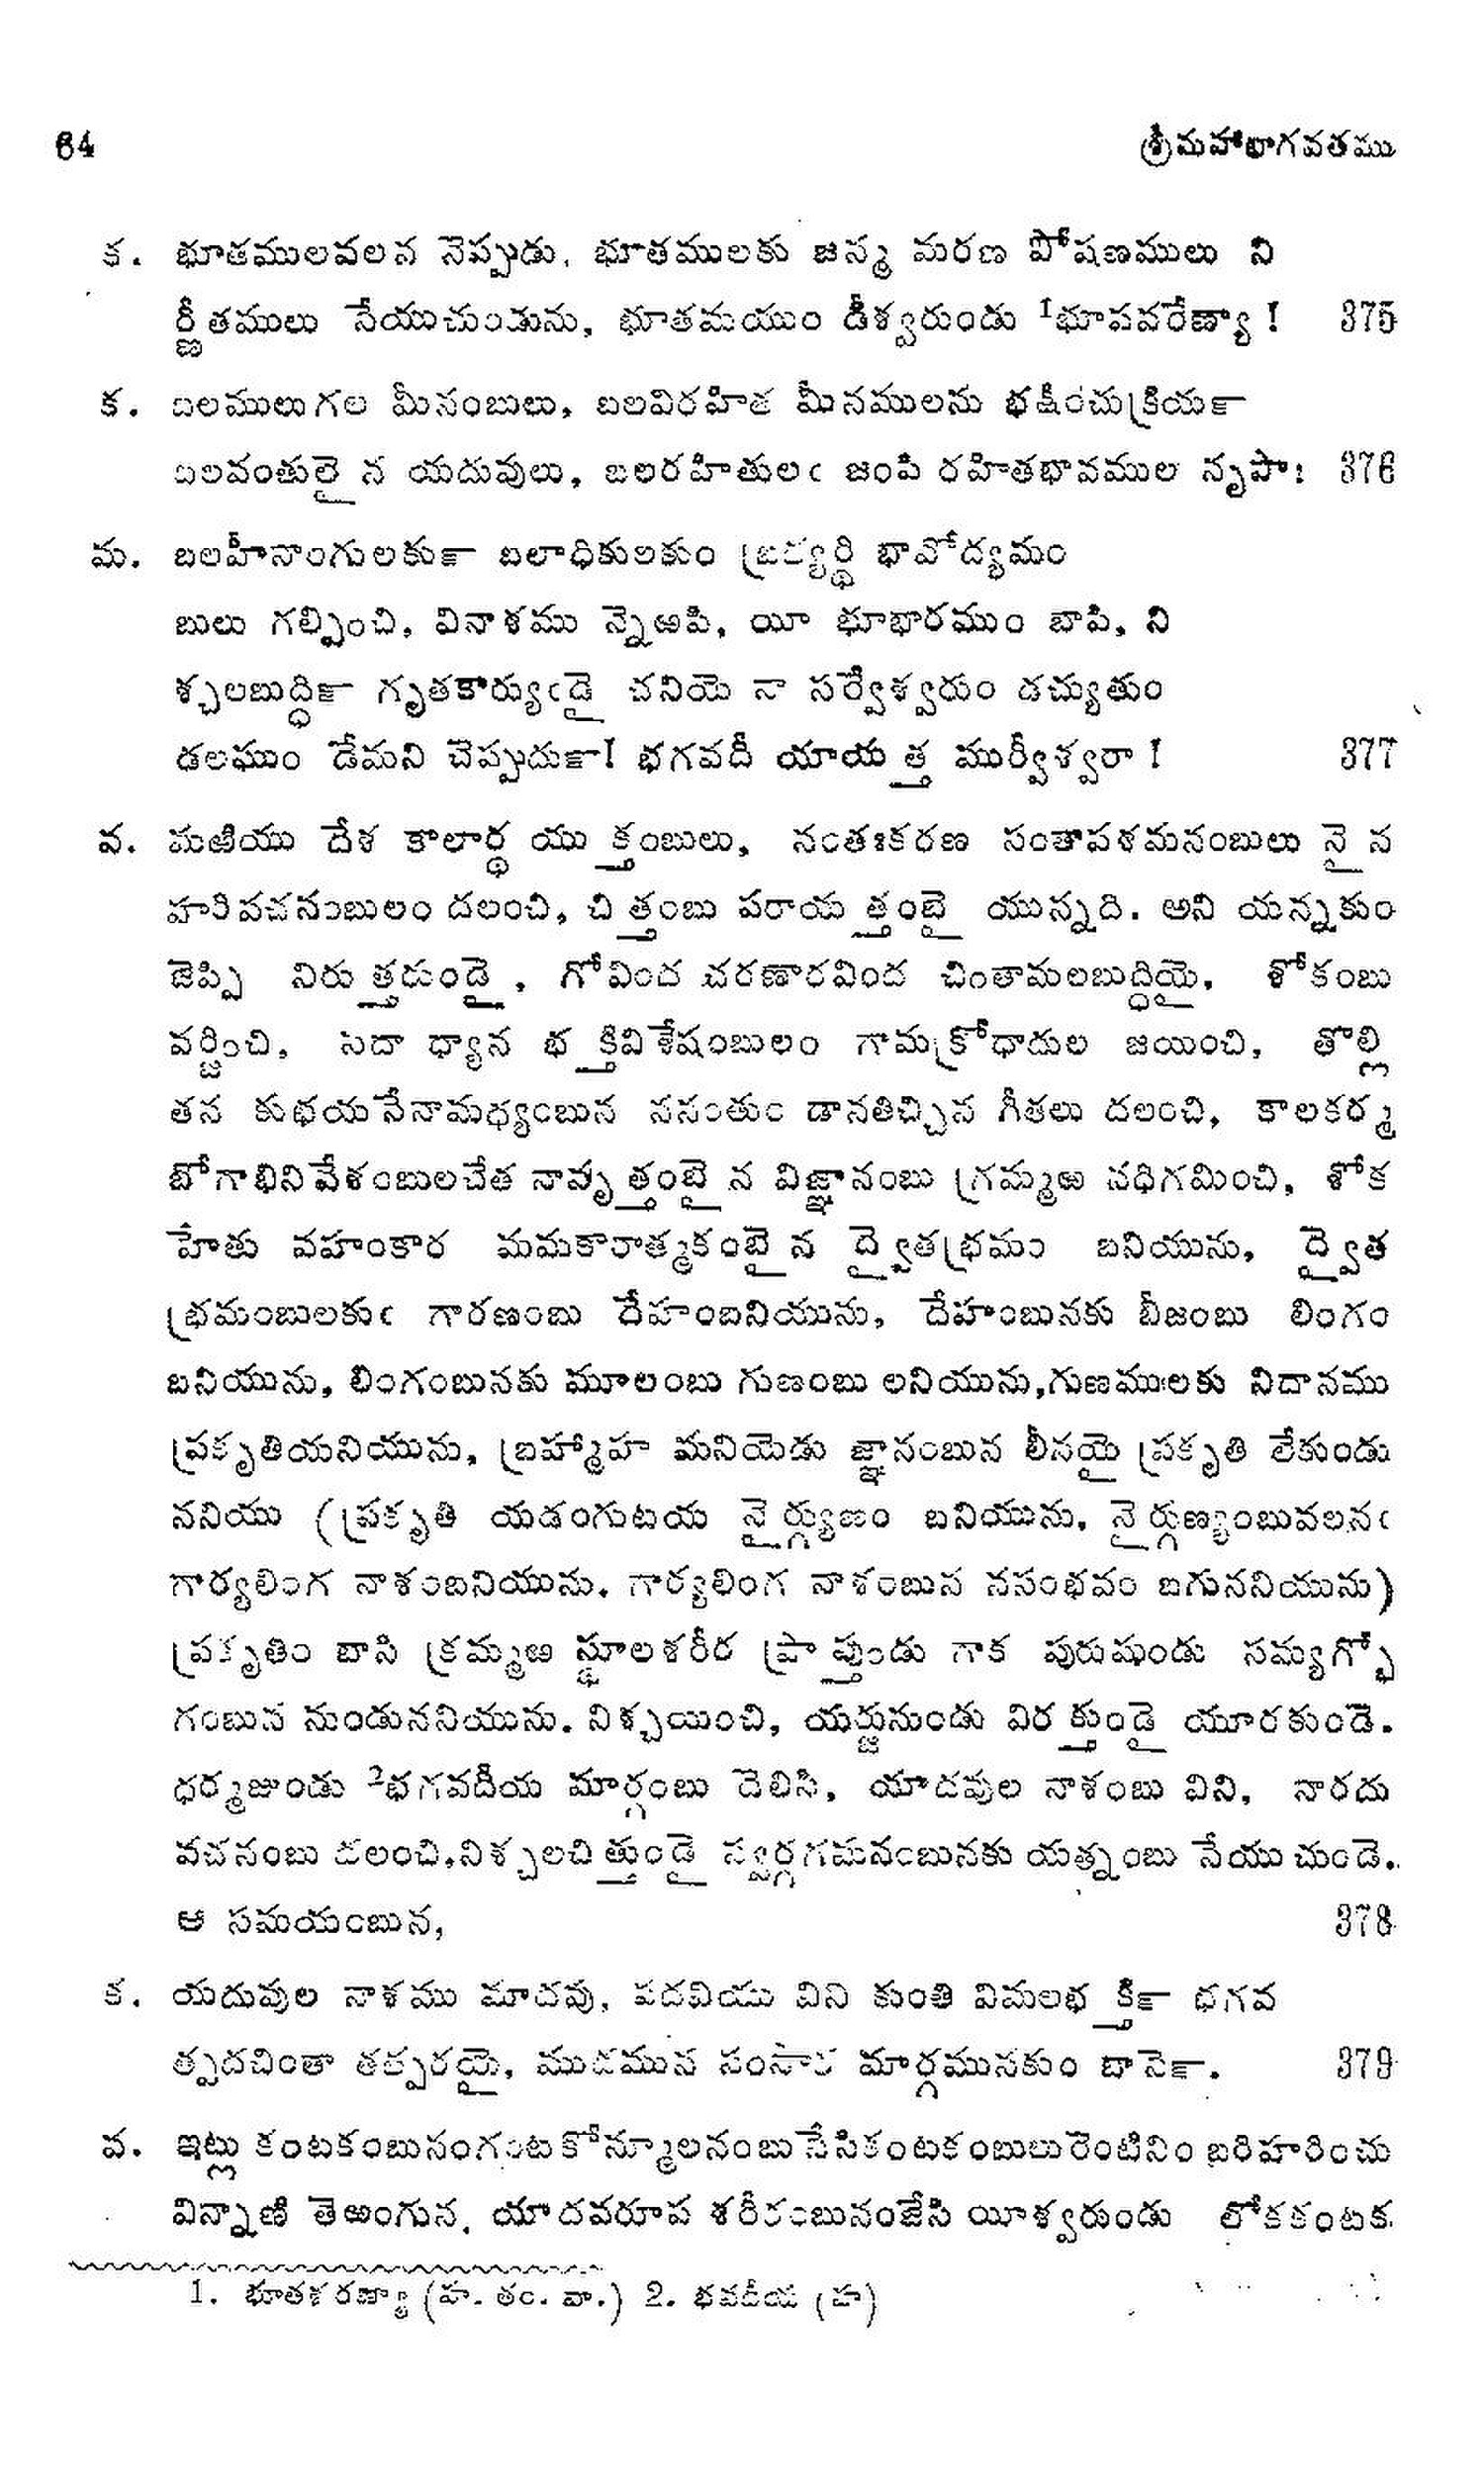64

క. భూతములవలన్ నెప్పుడు భూతములకు జన్మ మరణ పోష్ణములు ని

ర్ణీతములు సేయుచుండును, భూతమయుం డిశ్వరుండు భూపవరేణ్యా ! (375)

క. బలములుగల మీనంబులు, బలవిరహిత మీనములను భక్షించుక్రియన్

బలవంతులైన యదువులు, బలరహితులఱై జంపి రహితభావముల నృపా ! (376)

మ. బలహీనాంగులకున్ బలాధీకులకుం బ్రత్యర్థి భావోద్యమం

బులు గల్పించి, వినాశము న్నెఱపి యీ భూభారముం బాపి, ని

శ్చలబుద్ధిన్ గృతకార్యుఁడై చనియె నా సర్వేశ్వరుం డచ్యుతుం 

డలఘుం డేమని చెప్పుదున్ ! భగవదీ యాయత్త ముర్వీశ్వర ! (377)

వ. మఱియు దేశ కాలార్థ యుక్తంబులు, నంతఃకరణ సంతాపశమనంబులు నైన హరి వచనంబులం దలంచి, చిత్తంబు పరాయత్తంబై యున్నది. అని యన్నకుం జెప్పి. నిరుత్తరుండై దలంచి చరణారవింద చింతామలబుద్ధియై, శోకంబు వర్ణంచి, సదా ధ్యాన భక్తవిశేషంబులం గామక్రోధాదుల జయించి తొల్లి తన కుభయసేనా మధ్యంబున ననంతం డానతిచ్చిన గీతలు దలంచి, కాలకర్మ భోగాభినివేశంబుల చేత నావృత్తంబైన విజ్ఞానంబు గ్రమ్మఱ నధిగమించి, శోక హేతు వహంకార మమకారాత్మకంబైన ద్వైతభ్రమం బనియును, ద్వైత భ్రమంబులకుఁ గారణంబు దేహంబనియును, దేహంబునకు బీజంబు లింగం బనియును, లింగంబునకు మూలంబు గుణంబు లనియును, గుణములకు నిదానము ప్రకృతియనియును, బ్రహ్మాహ మనియెడు జ్ఞానంబున లీనయై ప్రకృతి లేకుండుననియు ( ప్రకృతి యడంగుటయ నైర్గుణ్యంబువలనః గార్యలింగ నాశంబనియును గార్య లింగ నాశంబున నసంభవం బగు ననియును ) ప్రకృతిం బాసి క్రమ్మఱ స్థూలశరీర ప్రాప్తుండు గాక పురుషుండు సమ్యగ్భోగంబున నుండు ననియును, నిశ్చయించి , యర్జునుండు విరక్తుండై యూరకుండె. ధర్మజుండు భగవదీయ మార్గంబు దెలిసి, యాదవుల సాశంబు విని, నారదు వచనంబు దలంచి. నిశ్చలచిత్తుండై స్వర్గగమనంబునకు యత్నంబు సేయుచుండె, ఆ సమయంబున, (378)

క. యదువుల నాశము మాధవు, పదవియు విని కుంతి విమలభక్తిన్ భగవ

త్పదచింతా తత్పరయై, ముదమున సంసార మార్గమునకుం బాసెన్. (379)

వ. ఇట్లు కంటకంబునం గంట కోన్మూలనంబు సేసి కంటకంబులు రెంటినిం బరిహరించు నిన్నాణి తెఱంగున, యావరూప శరీరంబునంజేసి యీశ్వరుండు లోకకంటక